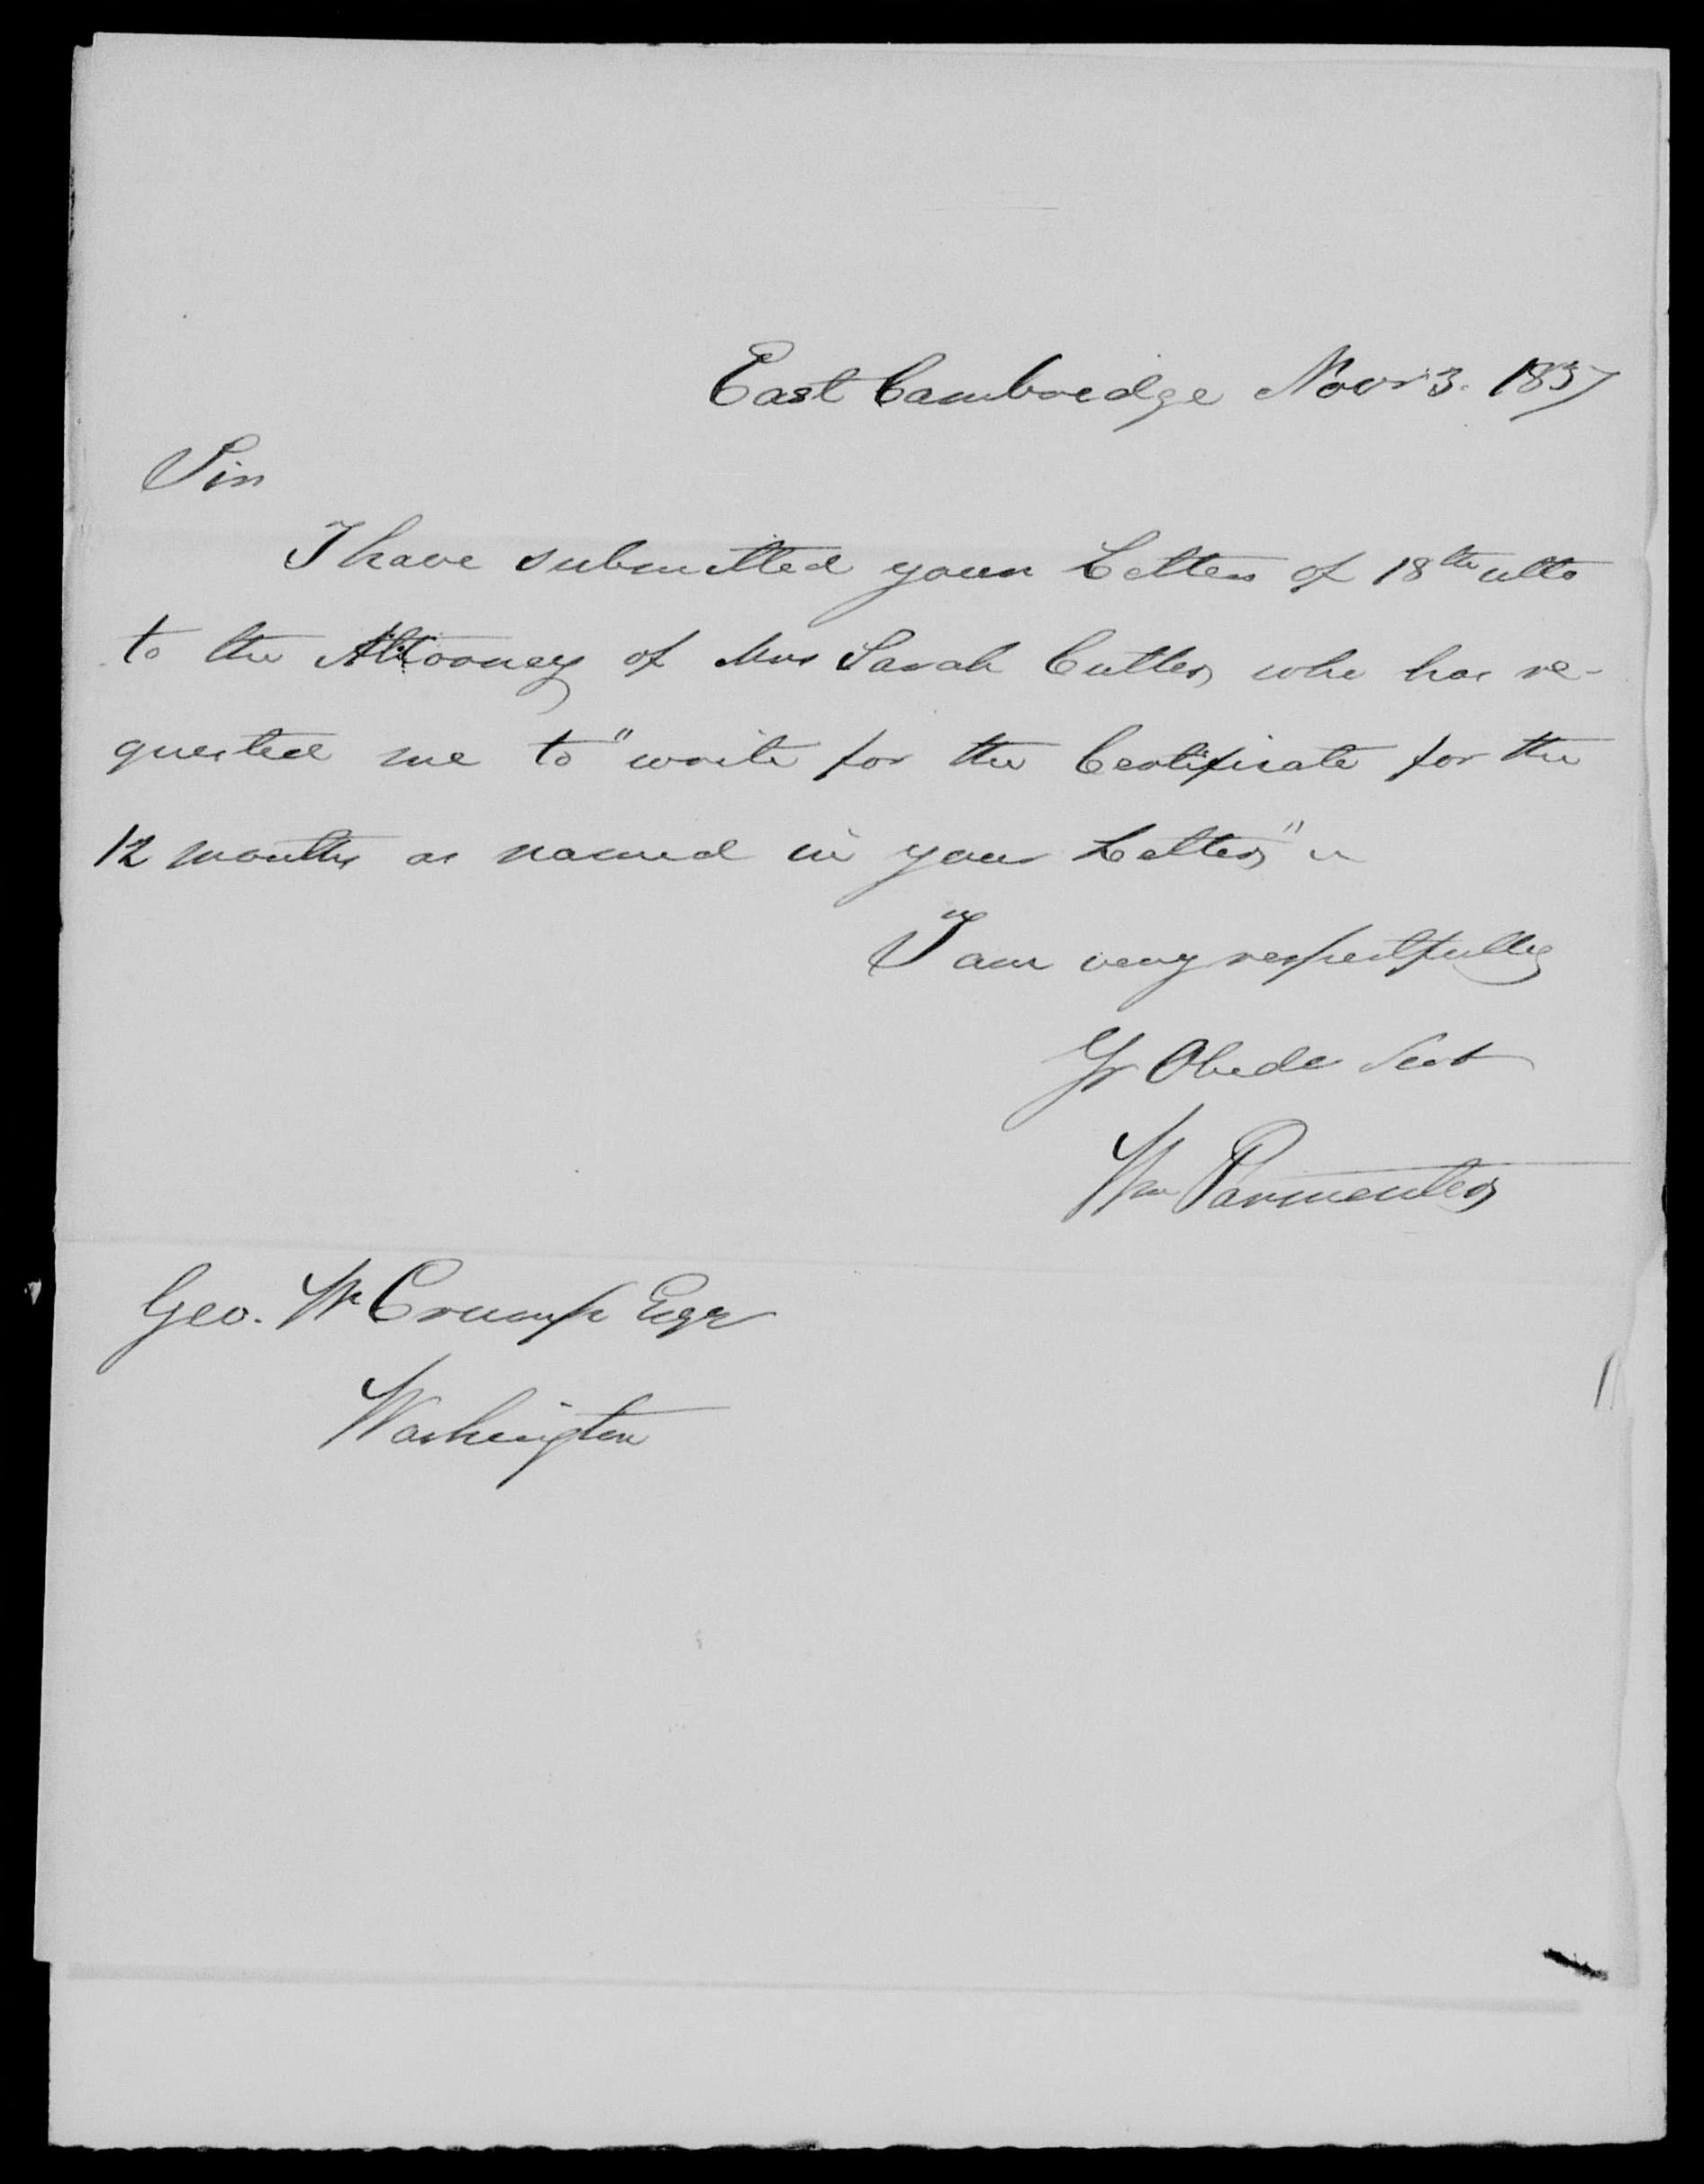East Cambridge Nov 3, 1837
Sir:
I have submitted your letters of 18th [illegible] to the Attorney of Mrs. Sarah Cutler who has requested me to write for the certificate for the 12 months as named in your letter.
I am very respectfully,
Your Obedient Servant
Wm Parmenter
George W Crump Esquire
Washington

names: Geo W Crump, Wm Parmenter, Sarah Cutler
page: 13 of 22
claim: widow's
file: W. 14,552, Abel Cutler, Mass.